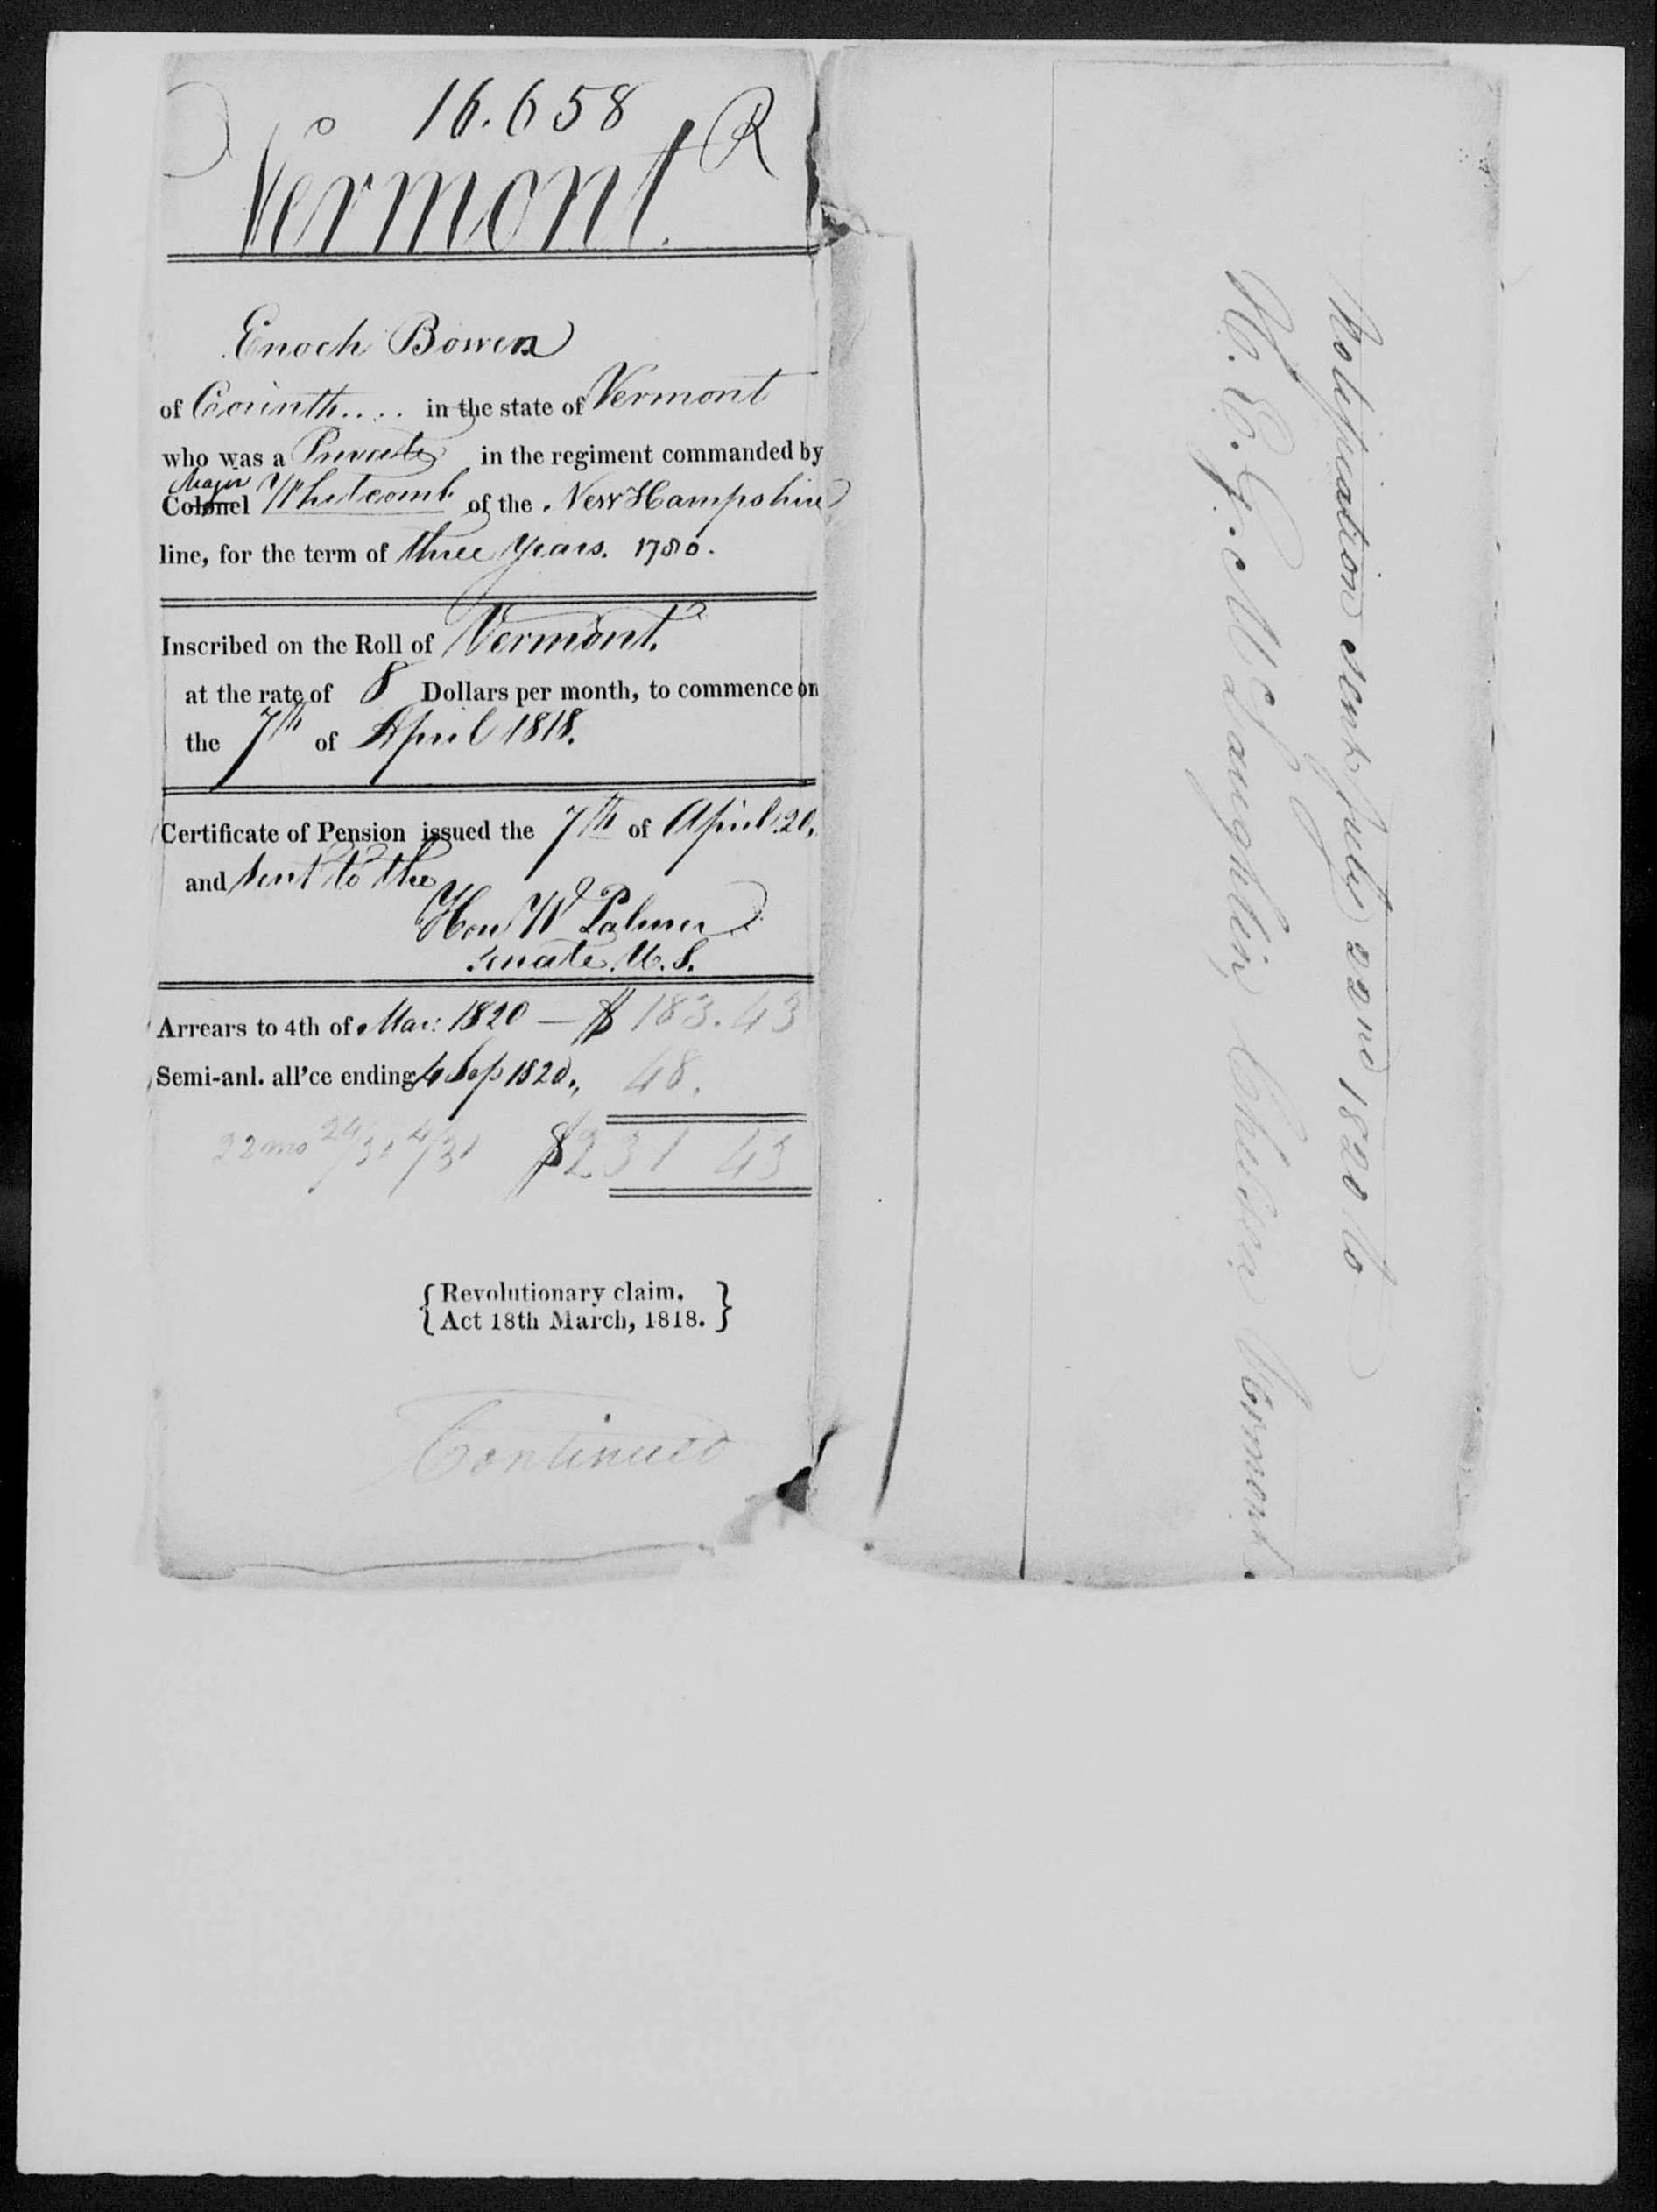16.658
Vermont
Enoch Bowen
of Corinth in the state of Vermont
who was a Private, in the regiment commanded by
Major Whitcomb
of the New Hampshire
line, for the term of three years. 1780

Inscribed on the Roll of Vermont,
at the rate of 8 Dollars per month, to commence on
the 7th of April 1818.

Certificate of Pension issued the 7th of April 26,
and sent to the
Hon W Palmer
Senate U.S.

Arrears to 4th of Mar: 1820 $183.43
Semi-anl. all'ce ending 4 Sep 1820, 48,
$231.43
22 mo 29/30 4/31

{Revolutionary claim,
Act 18th March, 1818.}
Continued

Notification sent July 22nd 1820 to
H.E. G. McLaughlin, Chelsea Vermont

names: Enoch Bowen, H E G Mc Laughlin, Whitcomb, W Palmer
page: 2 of 11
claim: survivor's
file: S. 41,453, Enoch Bowen, N.H.